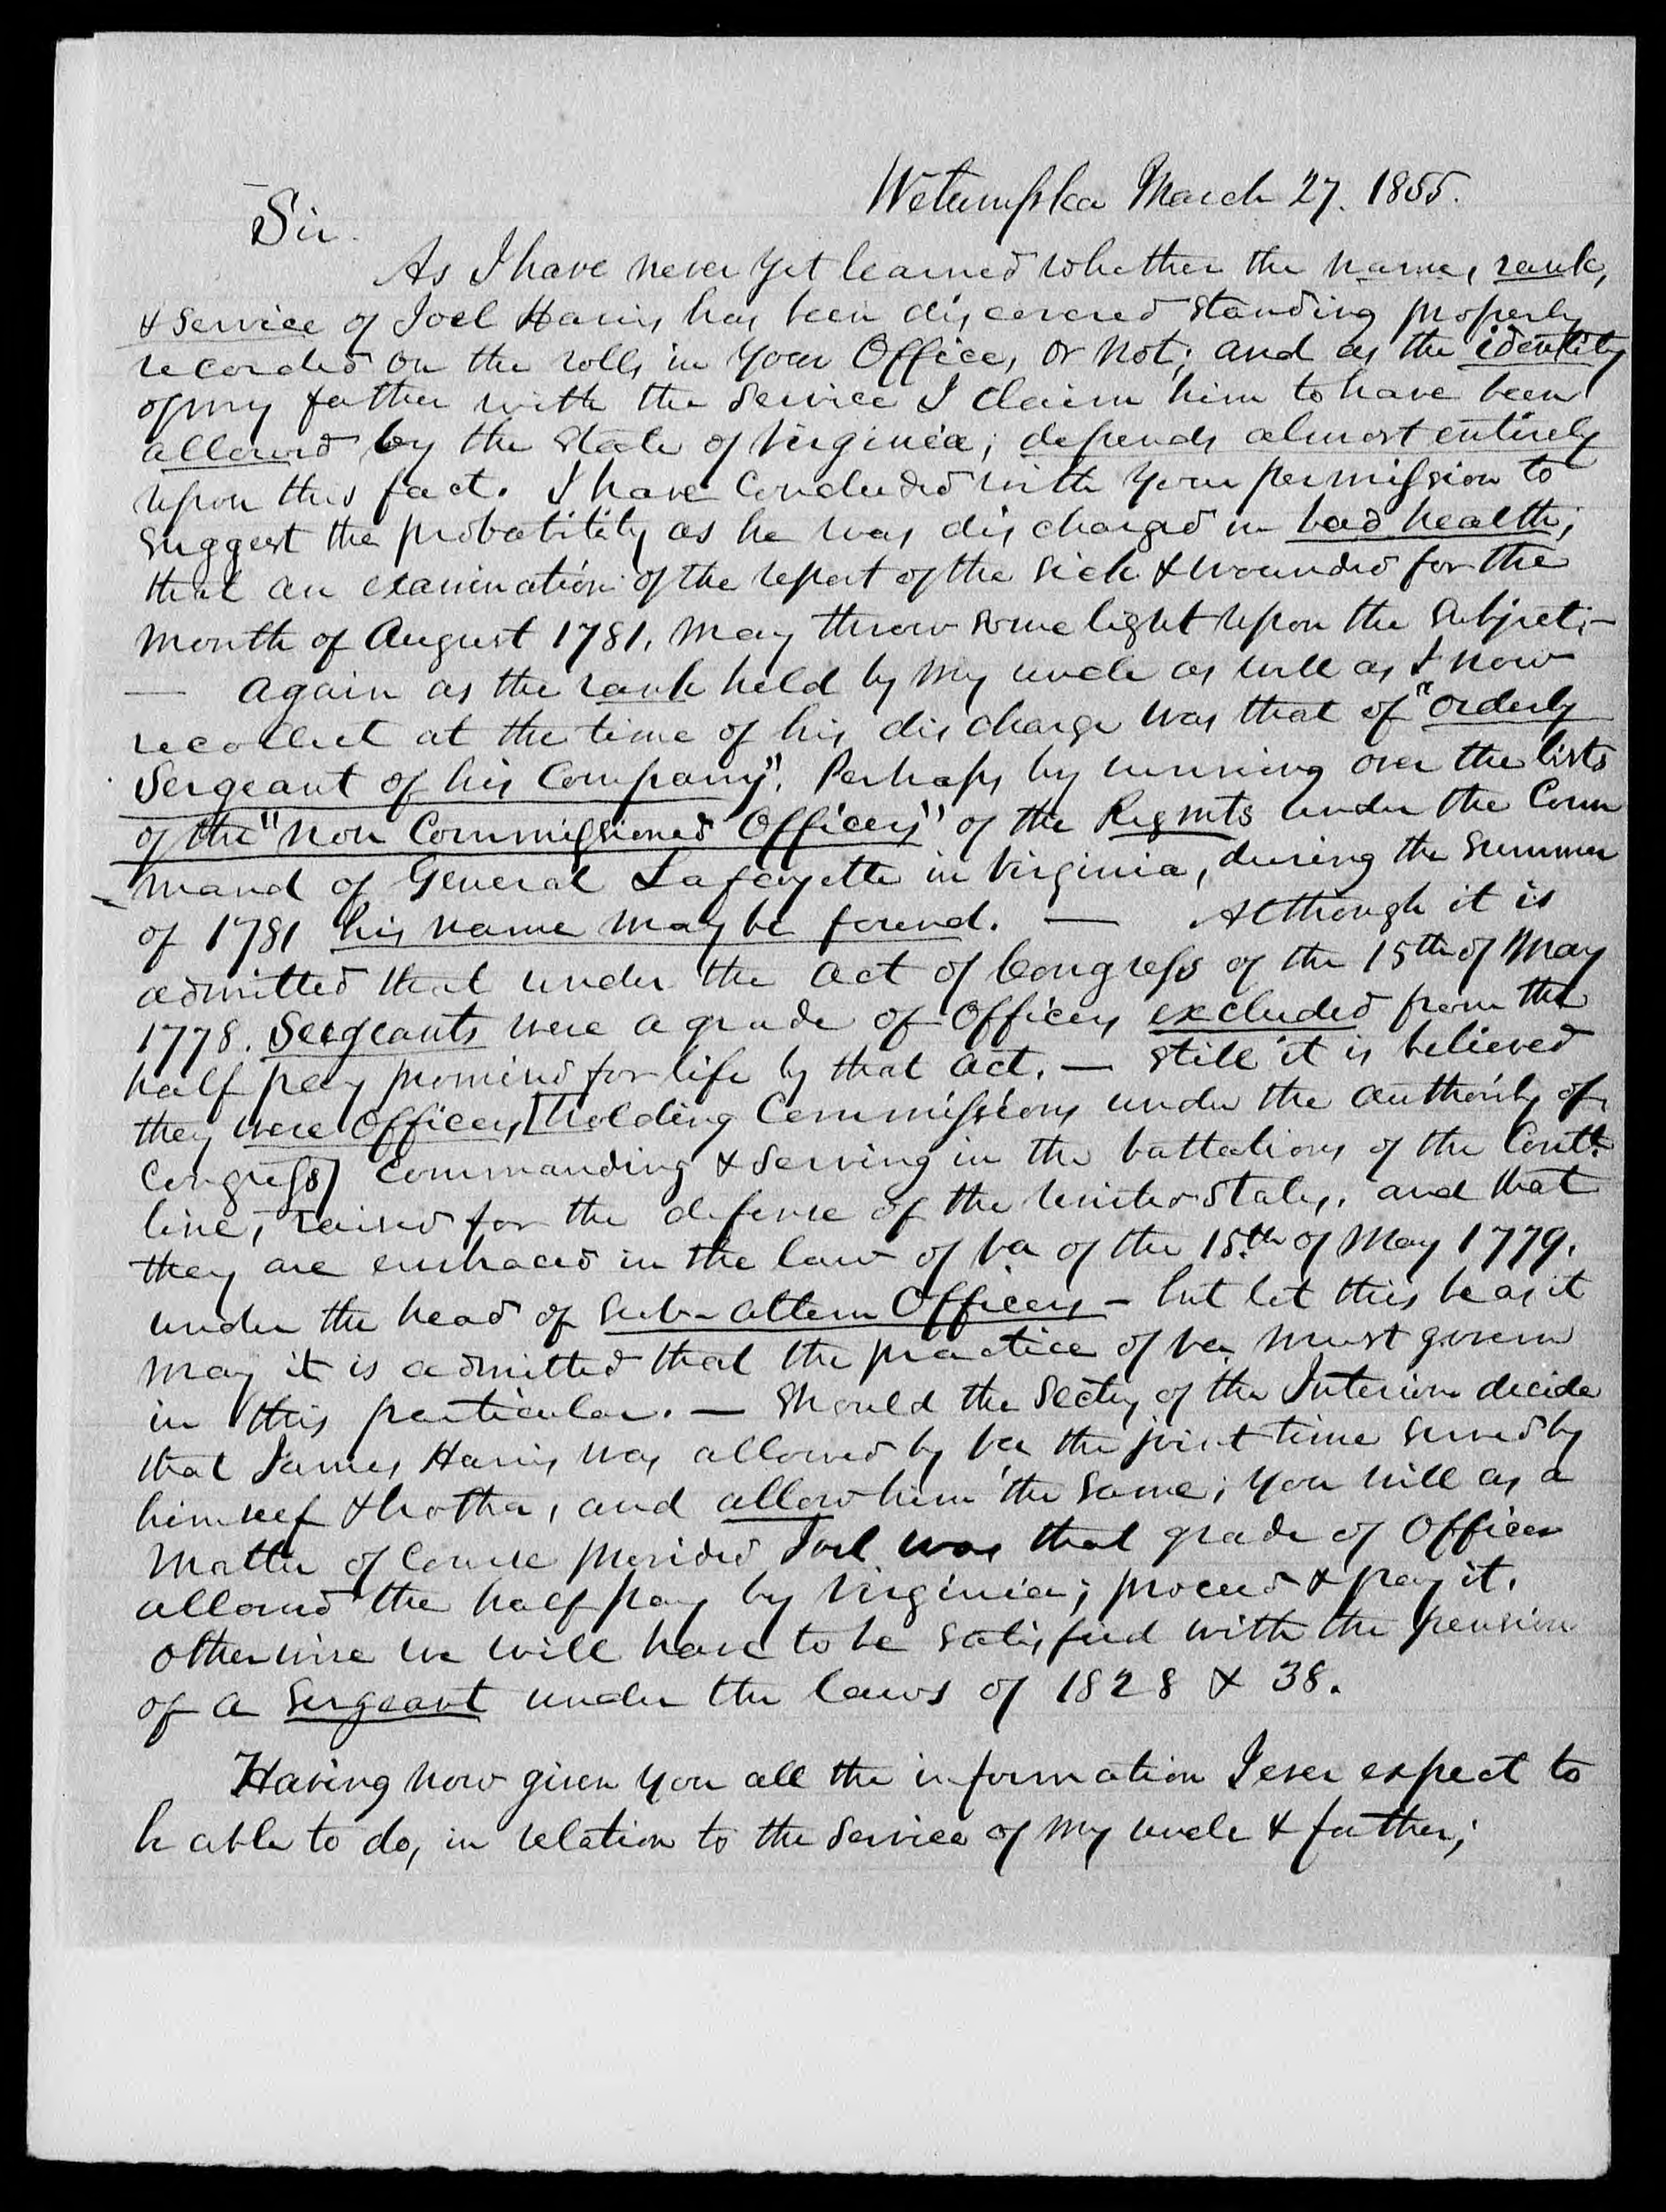Wetumpka March 27 1855

Sir
As I have never yet learned whether the name, rank, & service of Joel Harris has been discerned standing properly  recorded on the rolls in your office, or not, and as the identity allowed by the State of Virginia, depends almost entirely upon this fact, I have concluded with your permission to suggest the probability as he was discharged in bad health, that an examination of the report of the sick & wounded for the month of August 1781, may throw some light upon the subject.
Again as the rank held by my uncle was well as I now recollect at the time of his discharge was that of "orderly sergeant of his company." Perhaps by running over the lists of the "non commissioned officers" of the Regmts under the Command of General Lafayette in Virginia, during the summer of 1781 his name may be found.  
Although it is admitted that under the Act of Congress of the 15th of May 1778, sergeants were a grade of officers excluded from the half pay promised for life by that Act.  Still it is believed they were officers (holding commission under the authority of Congress) commanding & serving in the battalions of the Contl line, raised for the defense of the United States, and that they are embraced in the law of Va of the 15th of May 1779 under the head of sub-altern officers--but let this be as it may, it is admitted that the practice of Va must govern in the particular.  Should the Secty of the Interior decide that James Harris was allowed by Va the joint time served by himself & brother, and allow him the same, you will as a matter of course provided Joel was that grade of officer allowed the half pay by Virginia, proceed & pay it, otherwise we will have to be satisfied with the pension of a sergeant under the laws of 1828 & 38.
Having now given you all the information I ever expect to be able to do, in relation to the service of my uncle & father,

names: Joel Harris, James Harris, Joel, Lafayette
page: 72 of 160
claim: rejected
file: R. 4666, James Harris, Va.